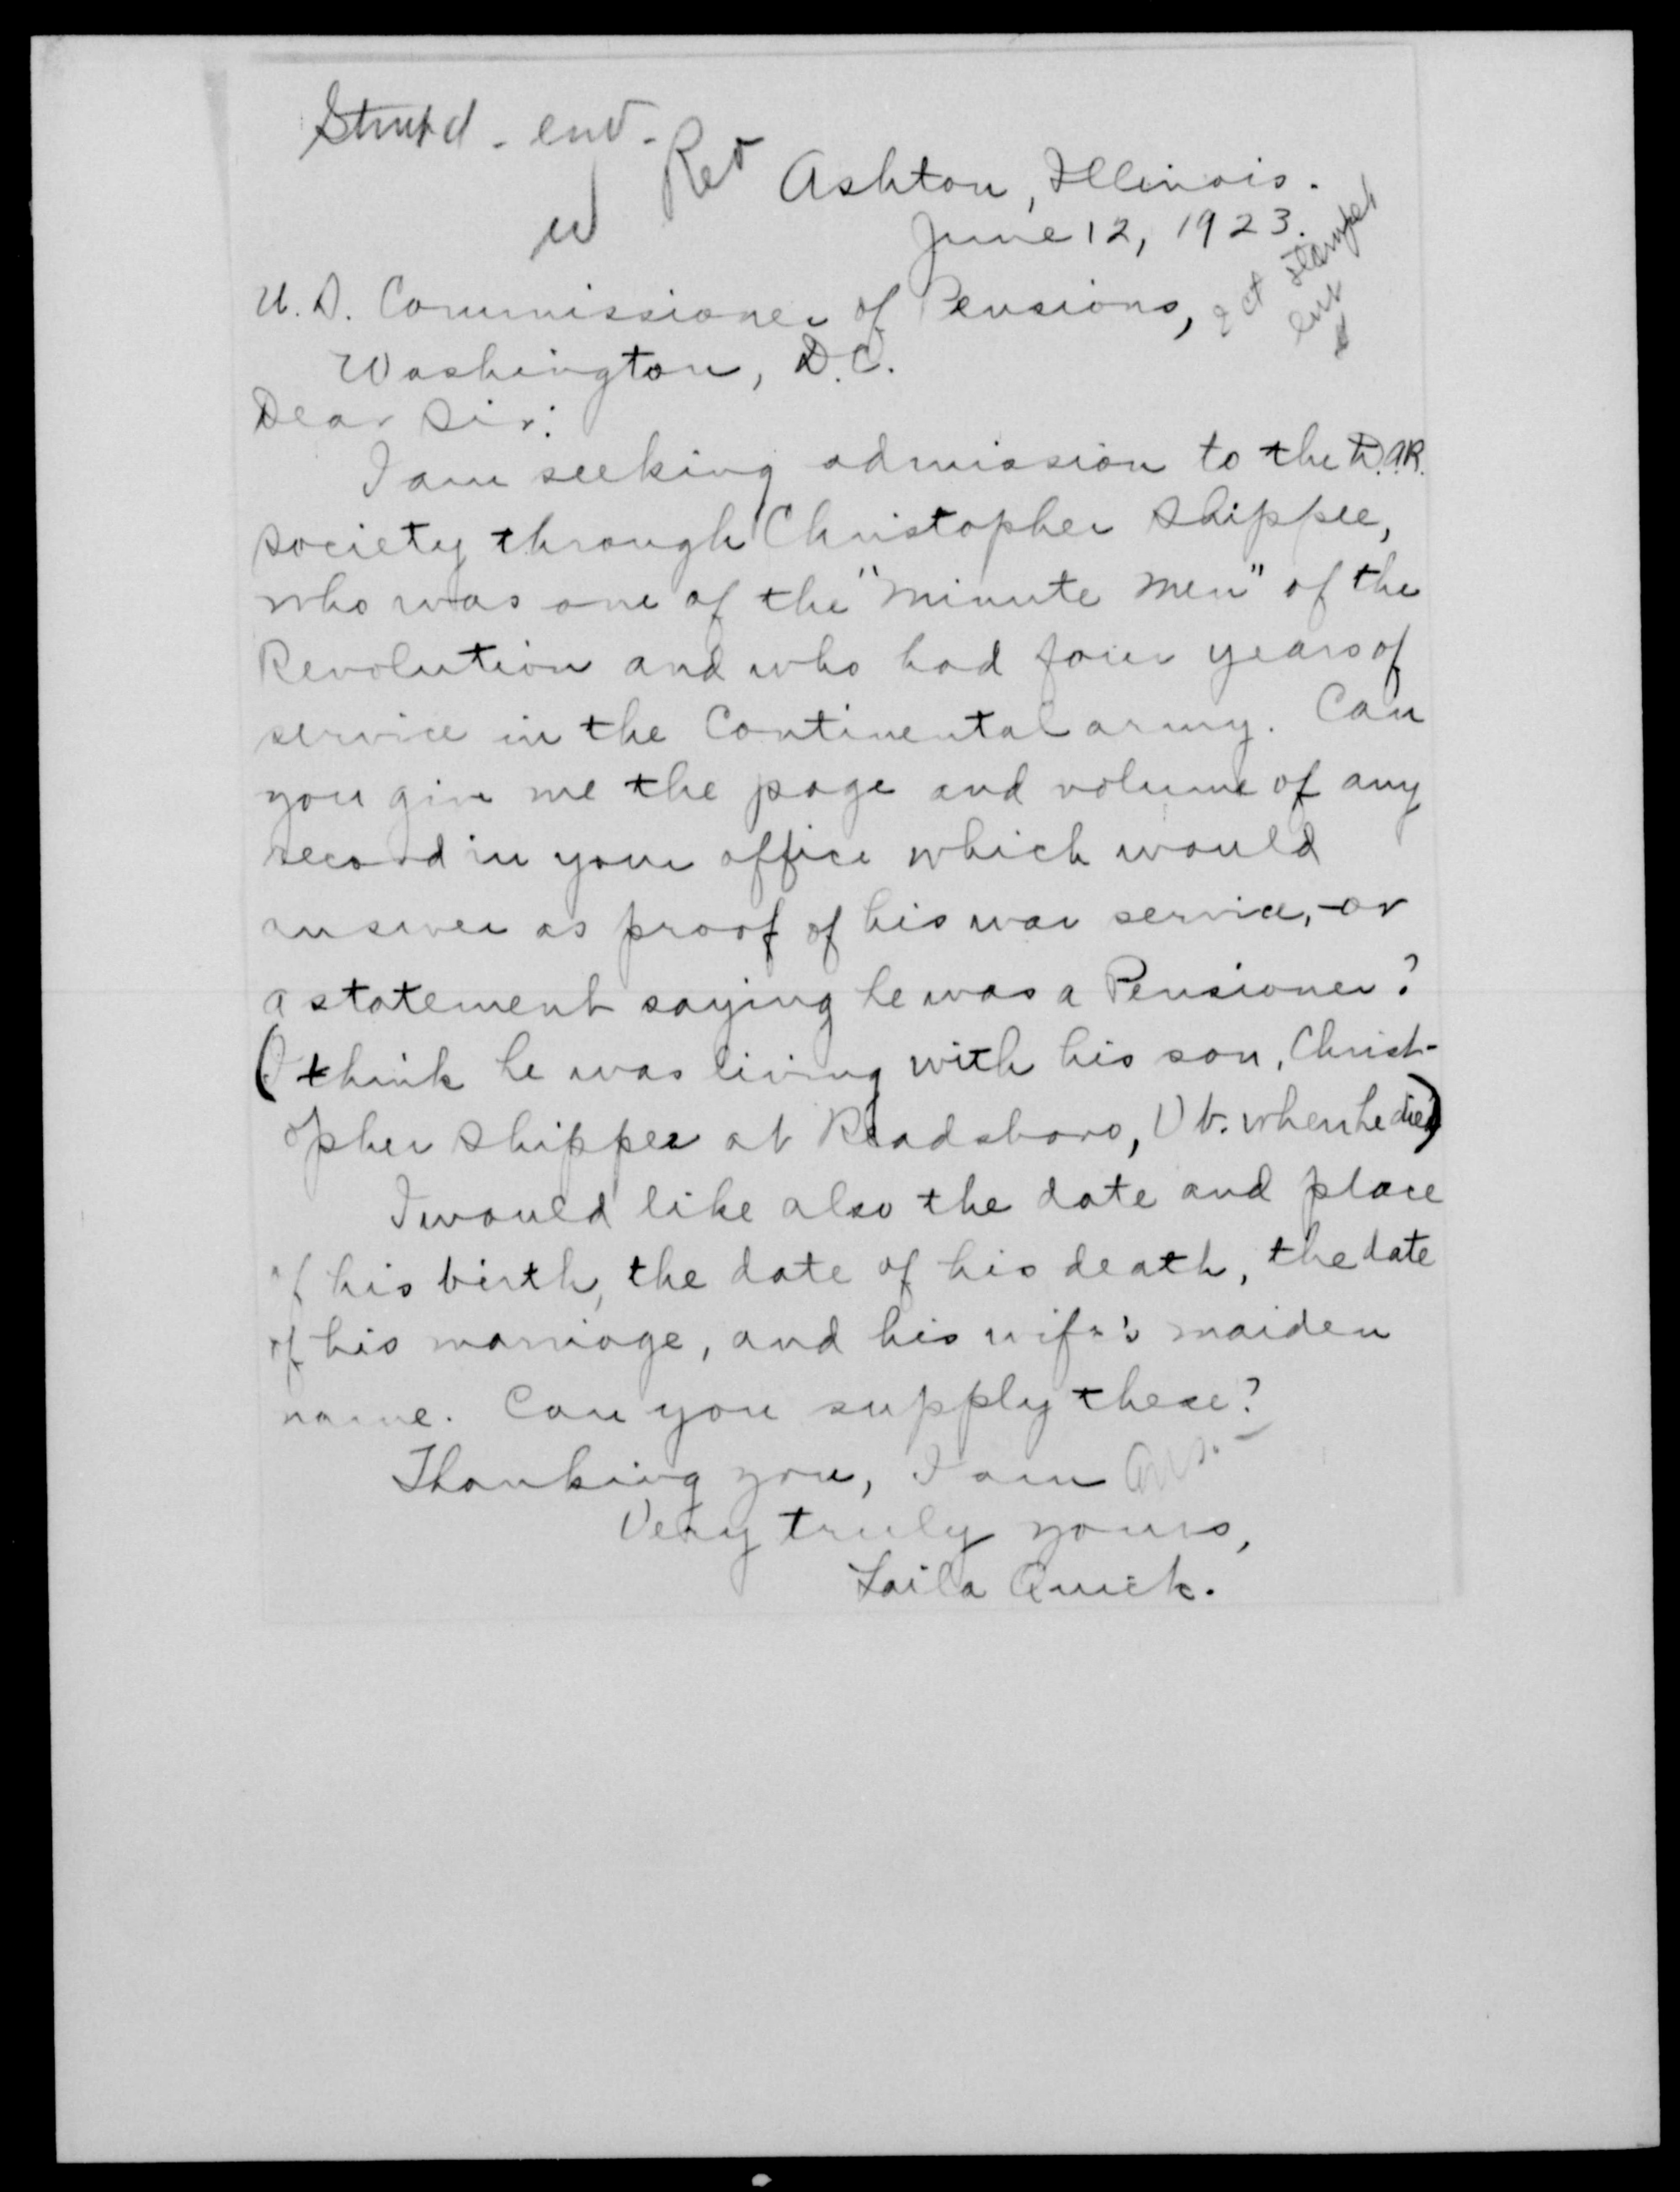Stamped Env. 

Ashton, Illinois
June 12, 1923.
U.S. Commissioner of Pensions
Washington, D.C.
Dear Sir:
I am seeking admission to the D.A.R.
society through Christopher Shippee
who was one of the "minute men" of the
Revolution and who had four years of
service in the Continental army.  
Can you give me the page and volume of any
record in your office which would answer as proof of his war service, or a statement saying he was a Pensioner?
(I think he was living with his son, Christopher Shippee at at Readsboro Vt. when he died)
I would like also the date and place
of his birth, the date of his death, the date
of his marriage, and his wife's maiden
name. Can you supply these?
Thanking you, I am 
Very truly yours
Laila Quick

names: Laila Quick; Christopher Shippee; Christopher Shippee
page: 17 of 20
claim: survivor's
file: S. 30,698, for Christopher Shippee, Rhode Island